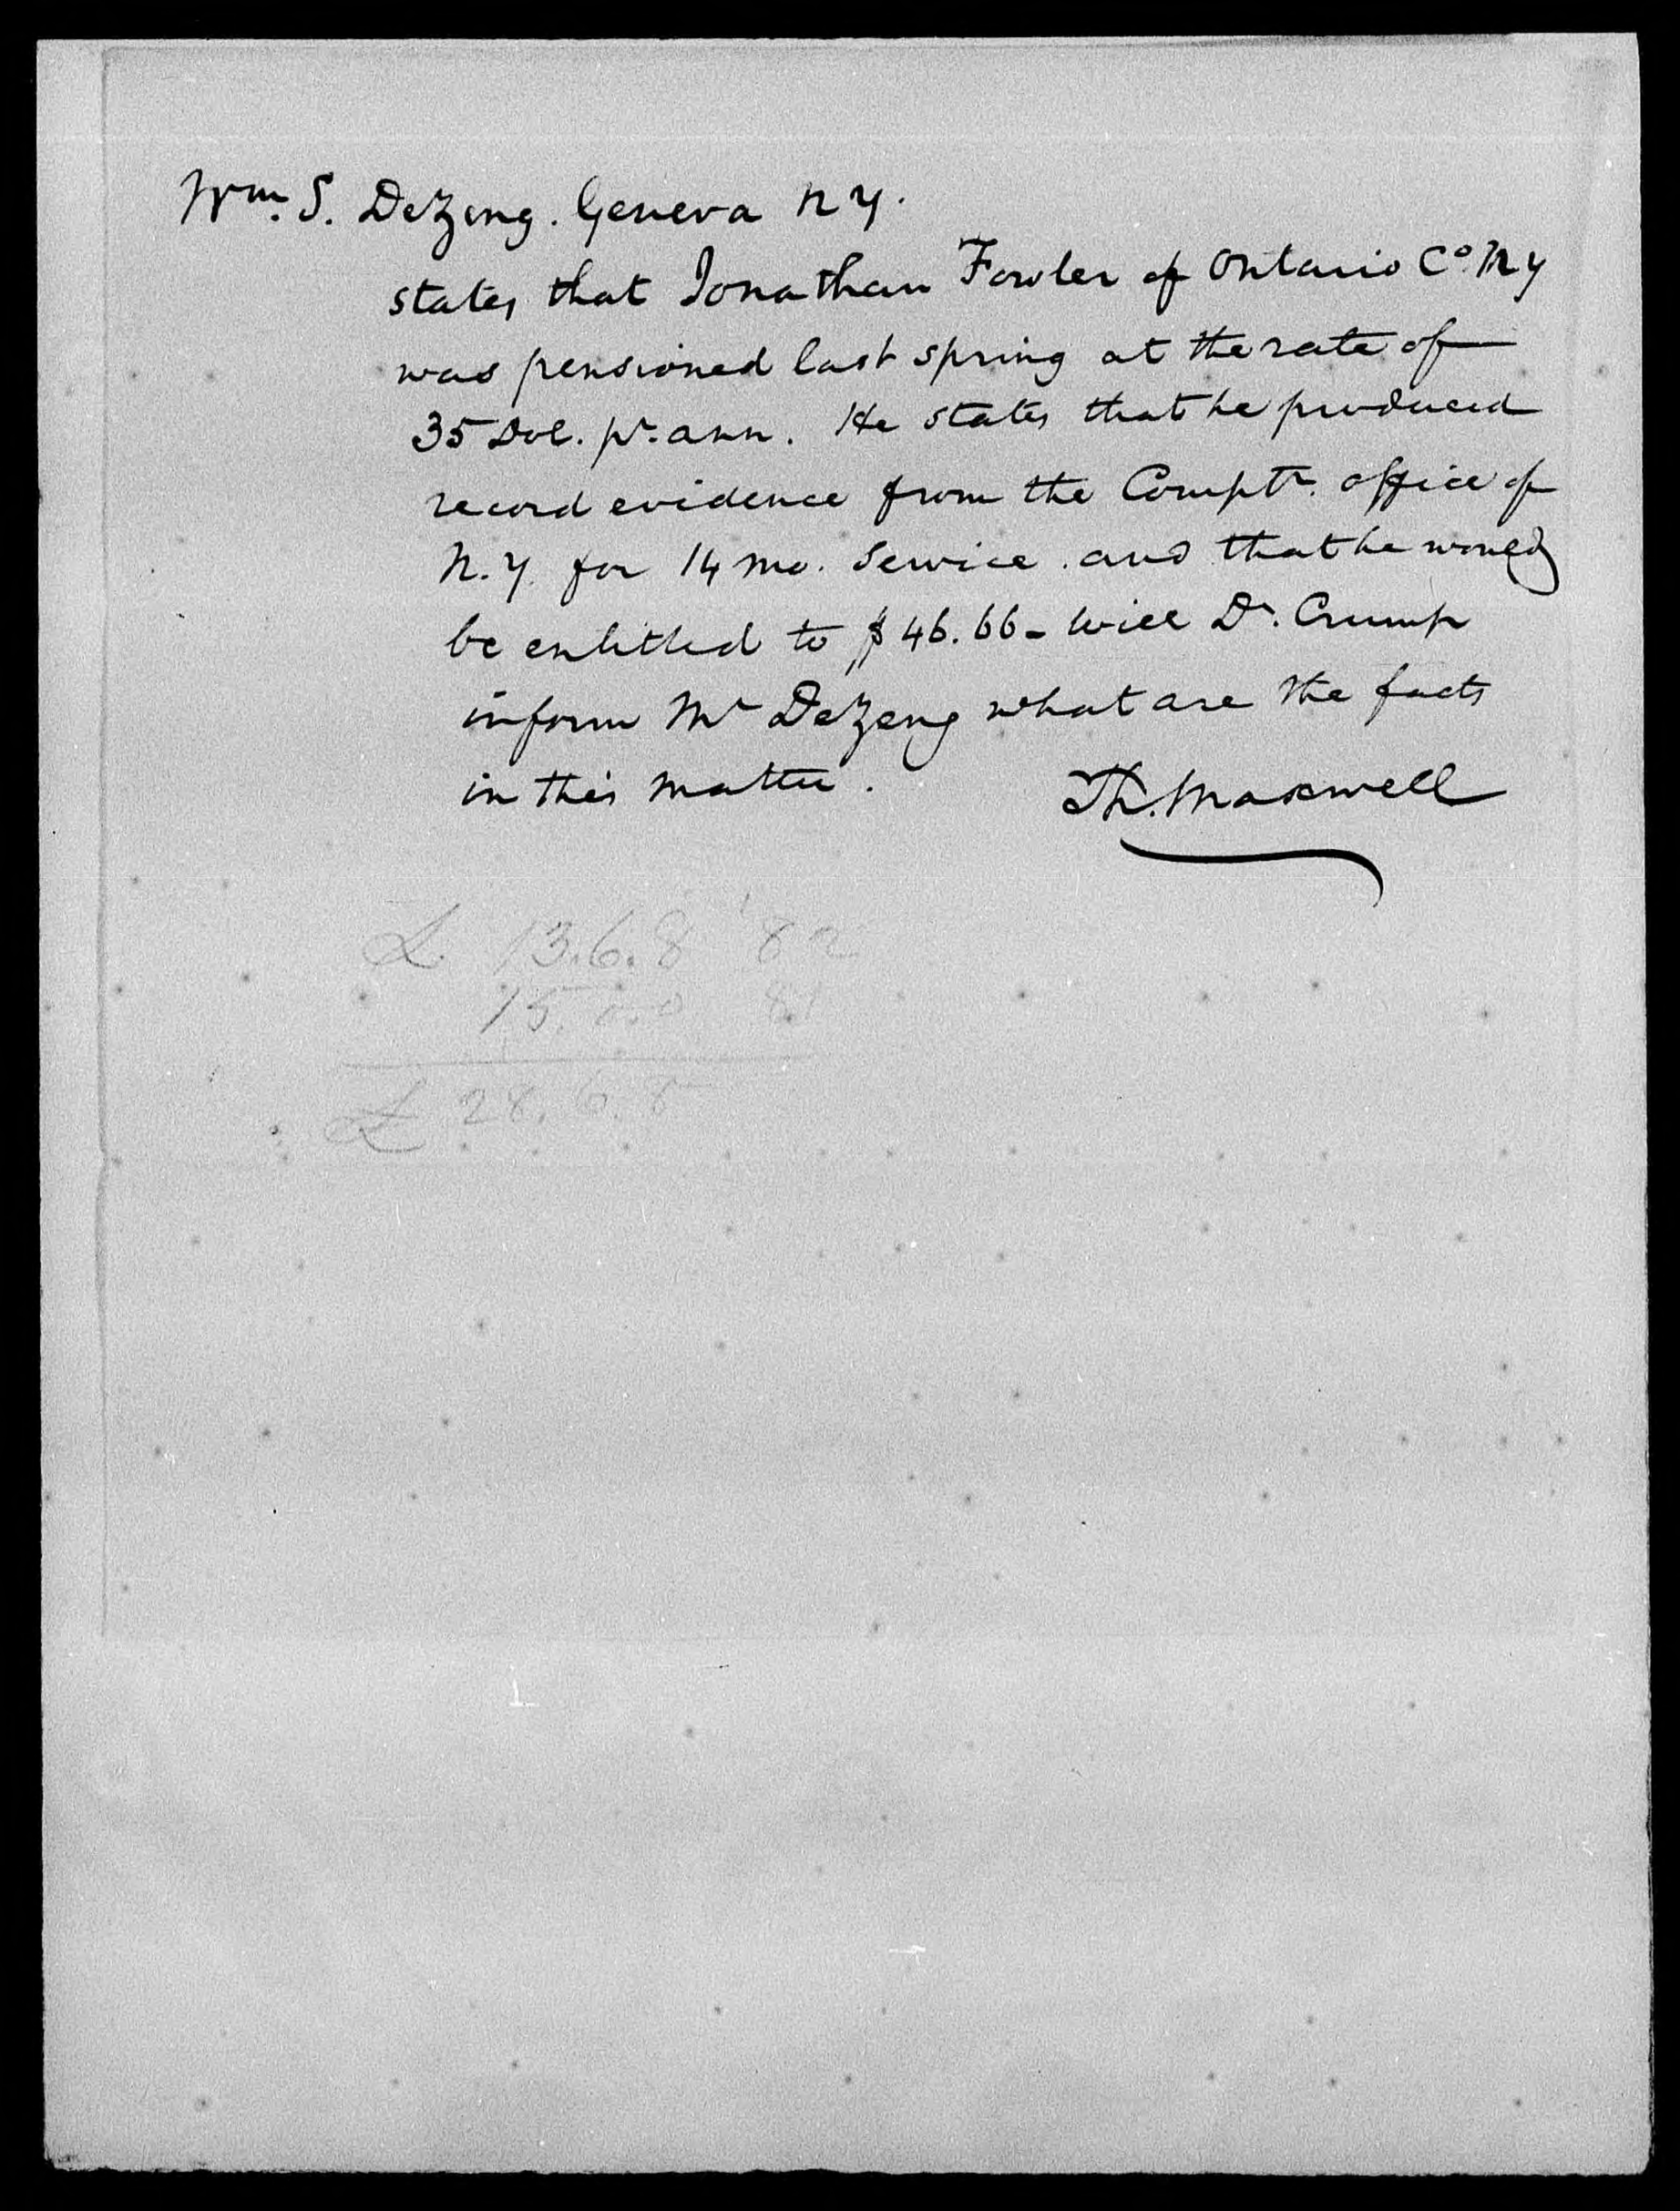Wm. S. DeZeng. Geneva N.Y.
states that Jonathan Fowler of Ontario Co. NY was pensioned last spring at the rate of 35 Dol. pr. ann. He states that he produced record evidence from the Comptr. office of N.Y. for 14 mo. service and that he would be entitled to $46.66. Will D. Crump inform Mr. DeZeng what are the facts in this matter.
T.L. Maxwell

$13.68 '82
15.00 '84
$28.68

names: Jonathan Fowler, De Zeng, Wm S De Zeng, T L Maxwell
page: 23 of 44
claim: survivor's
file: S. 23639, Jonathan Fowler, New York